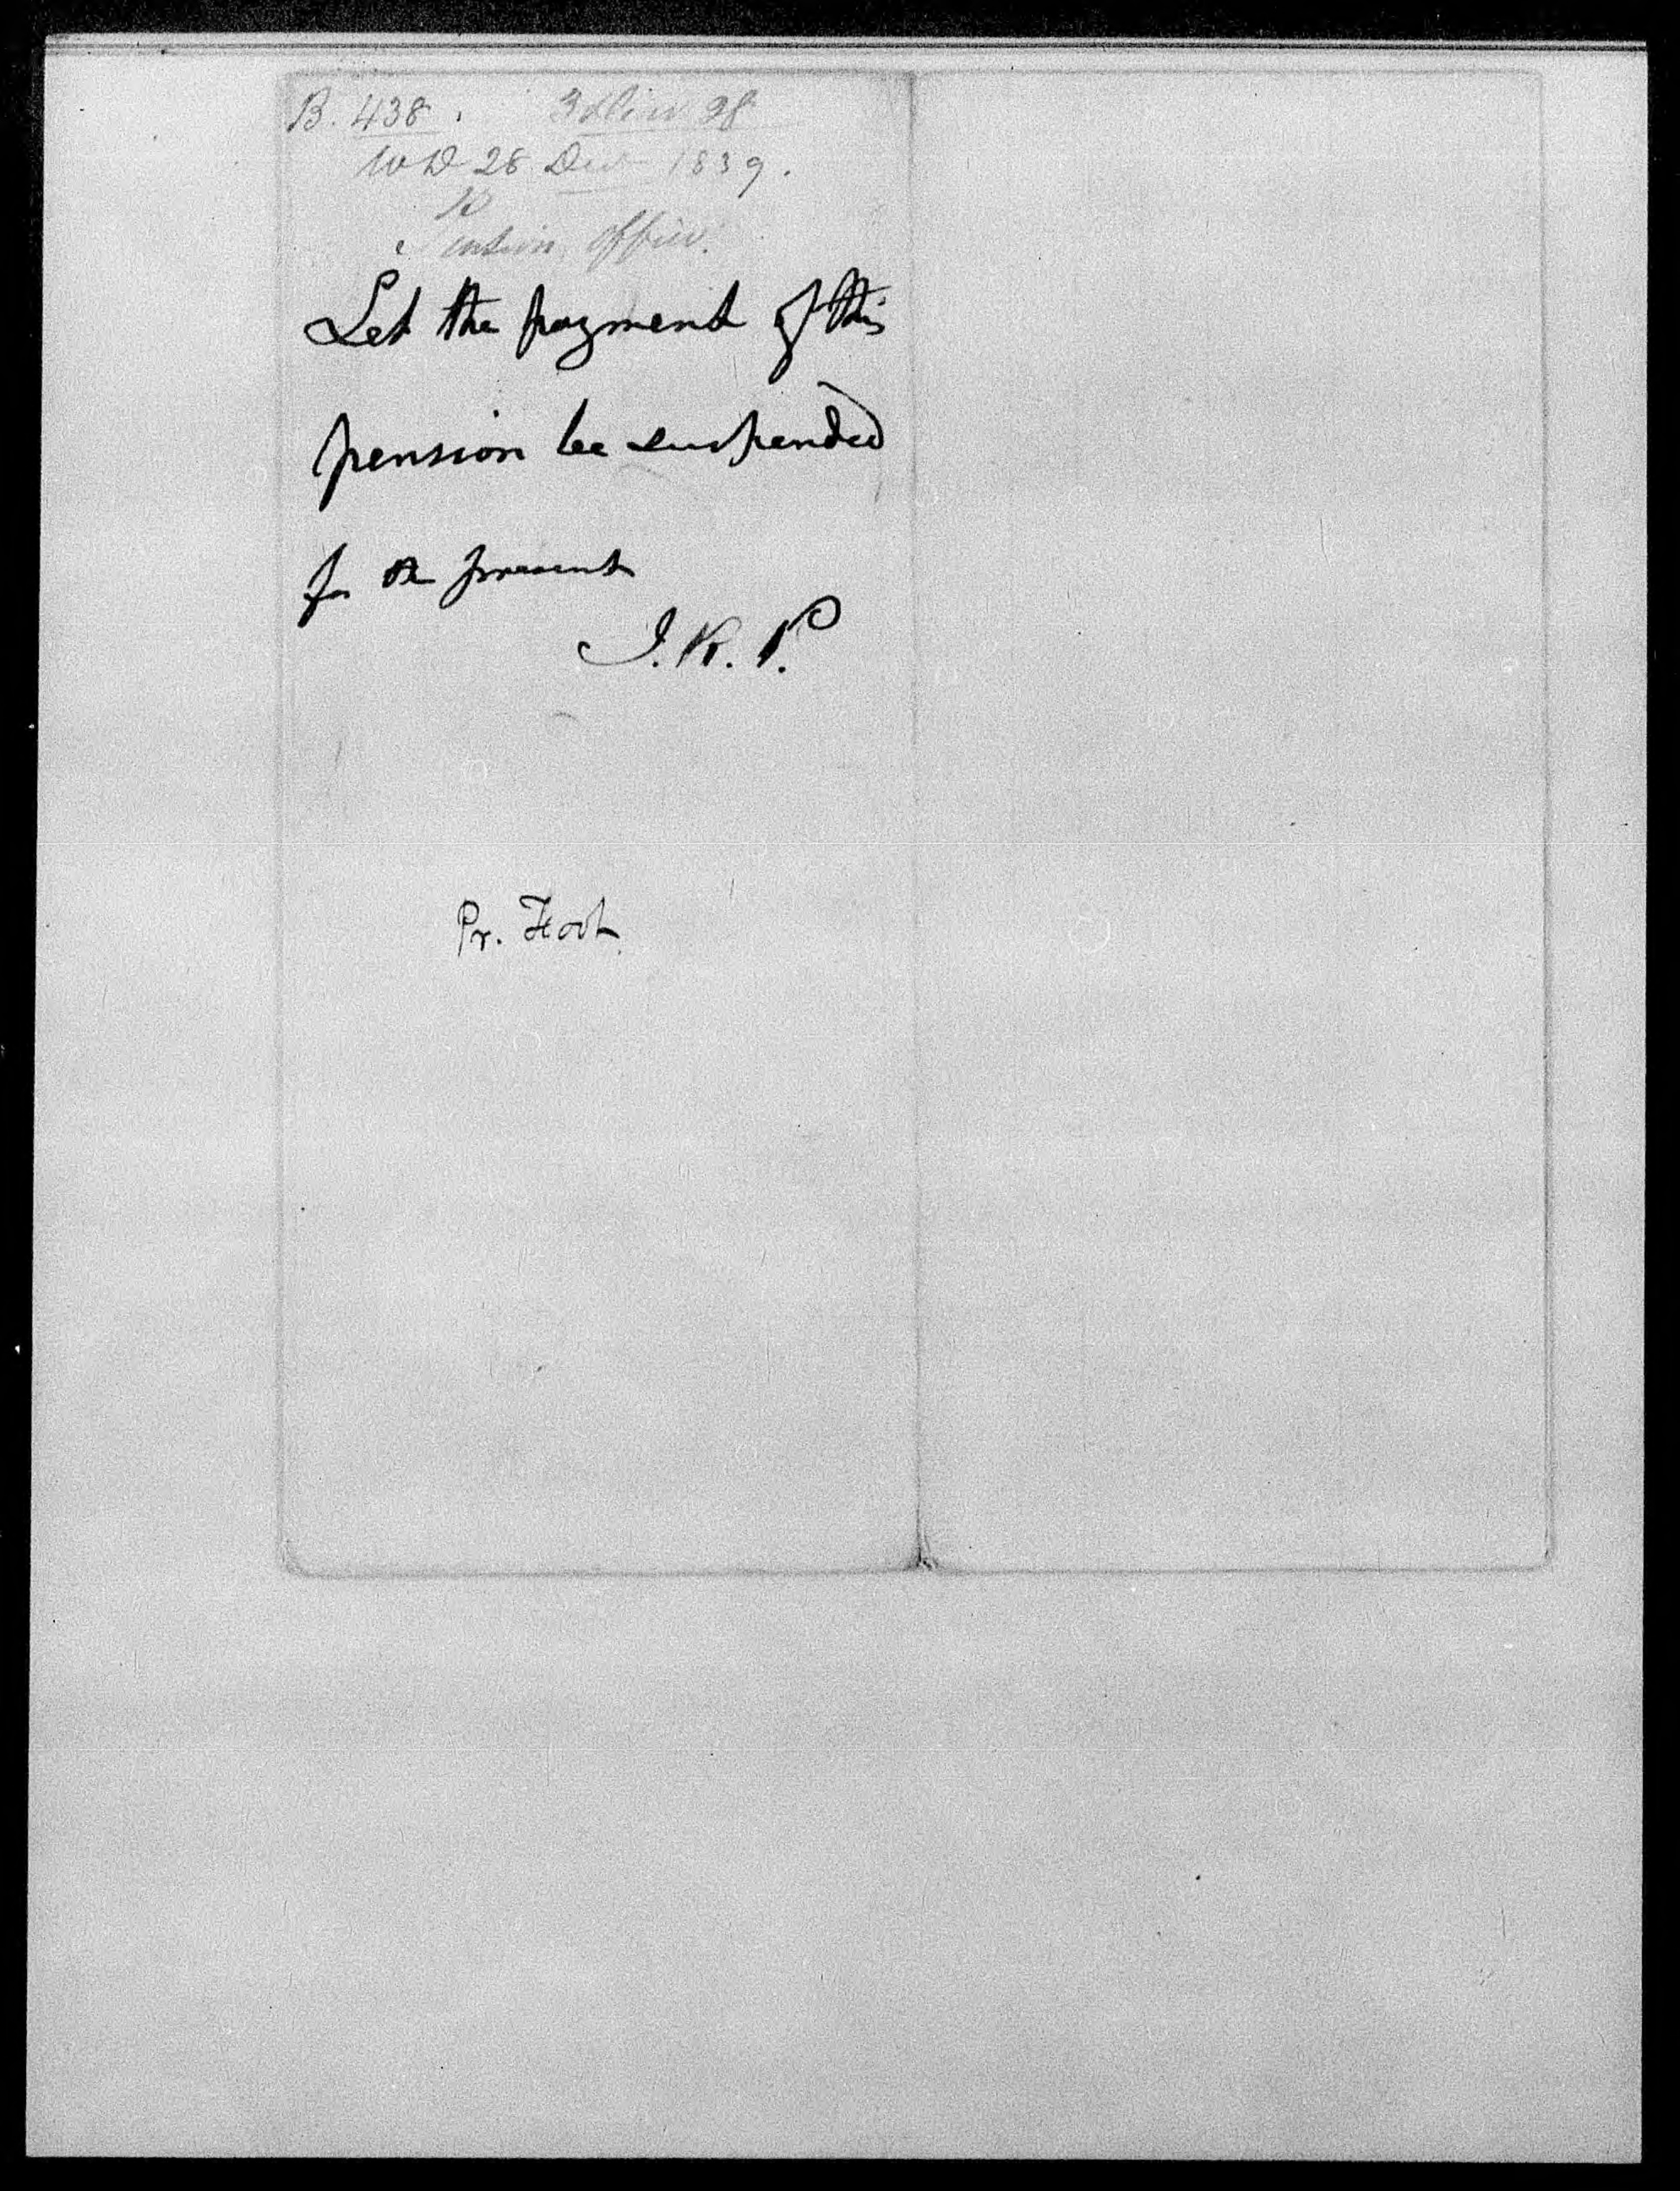B. 438,   3 dle is Qf
WD 28 Dec. 1839.

Let the payment of this pension be suspended for the present

J. R. P.

Pr. Foot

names: Pr Foot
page: 40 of 60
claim: widow's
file: W. 14,036, for James Knowles, Connecticut